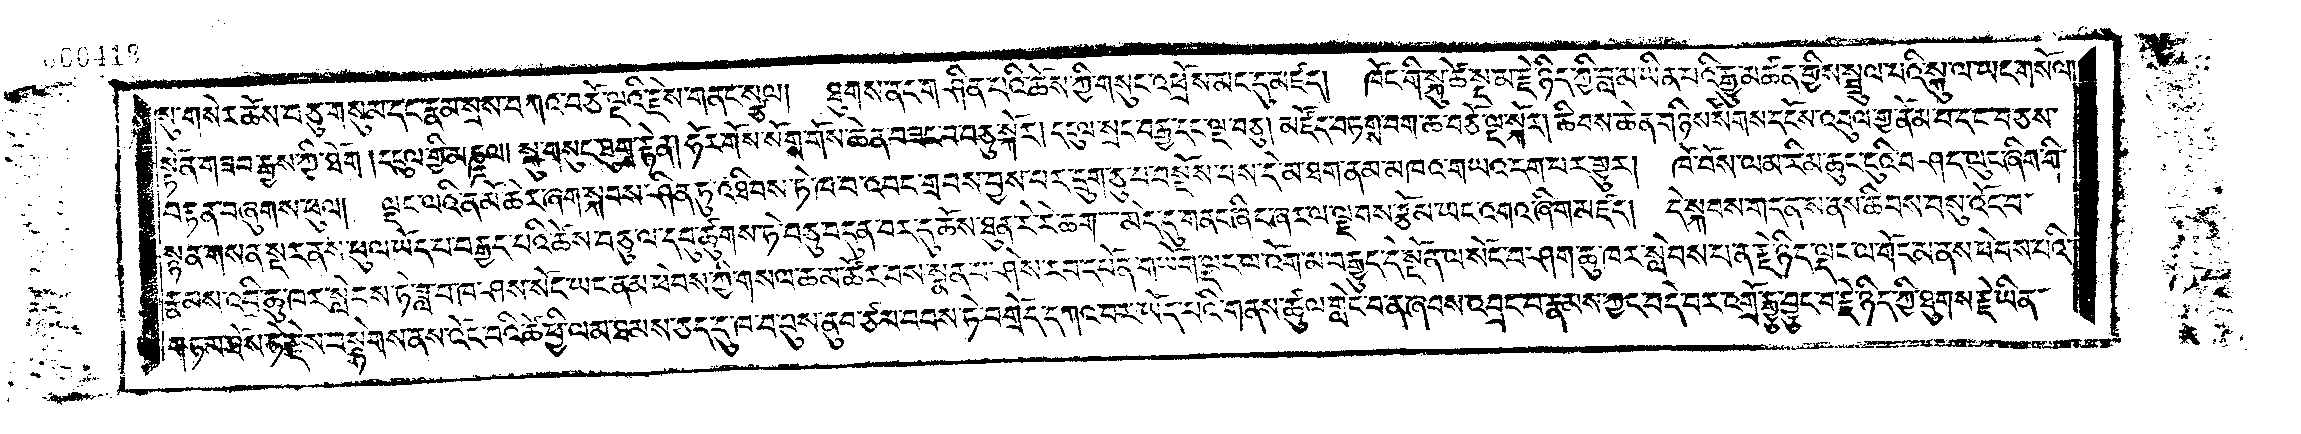སུ་གསེར་ཆོས་བཅུ་གསུམ་དང་རྣམ་སྲས་བཀའ་བཅོ་ལྔའི་རྗེས་གནང་སྩལ། ཐུགས་ནང་གཤིན་པའི་ཆོས་ཀྱི་གསུང་འཕྲོས་མང་དུ་མཛད། ཁོང་གི་སྐུ་ཚེ་སྔ་མ་རྗེ་ཉིད་ཀྱི་བླ་མ་ཡིན་པའི་རྒྱུ་མཚན་གྱིས་སྤྲུལ་པའི་སྐུ་ལ་ཡང་གསོལ་
སྟོན་གཟབ་རྒྱས་ཀྱི་ཐོག །དངུལ་གྱི་མཎྜལ། སྐུ་གསུང་ཐུགས་རྟེན། ཧོར་གོས་སོགས་གོས་ཆེན་བཟང་བ་བཅུ་སྐོར། དངུལ་སྲང་བརྒྱ་དང་ལྔ་བཅུ། མཛོད་བཏགས་བག་ཆ་བཅོ་ལྔ་སྐོར། ཆིབས་ཆེན་གཉིས་སོགས་དངོས་འབུལ་གྱ་ནོམ་པ་དང་བཅས་
བརྟན་བཞུགས་ཕུལ། ལྡང་ལའི་ན་མོ་ཆེར་ཞག་སྐབས་ཤིན་ཏུ་འཐིབས་ཏེ་ཁ་བ་འབང་གྲབས་བྱས་པར་དྲུག་ཅུ་པ་བསྔོས་པས་དེ་མ་ཐག་ནམ་མཁའ་གཡའ་དག་པར་གྱུར། ཁོ་བོས་ལམ་རིམ་ཆུང་ངུའི་བཤད་ལུང་ཞིག་གི་
སྙན་གསན་སྡར་ནས་ཕུལ་ཡོད་པ་བརྒྱད་པའི་ཚེས་བཅུ་ལ་དབུ་ཚུགས་ཏེ་བཅུ་བདུན་བར་དུ་ཆོས་ཐུན་རེ་རེ་ཆག་མེད་དུ་གནང་ཞིང་ཞར་ལ་ལྗགས་རྩོམ་ཡང་འགའ་ཞིག་མཛད། དེ་སྐབས་གདན་ས་ནས་ཆིབས་བསུ་འོང་བ་
རྣམས་འབྲི་ཆུ་ཁར་སླེབས་ཏེ་ཟླ་བ་ཁ་ཤས་སོང་ཡང་ནམ་ཕེབས་ཀྱི་གསལ་ཆ་མ་ཚོར་བས་སྣན་པ་ཤེས་རབ་དཔོན་གཡོག་ལྡང་ལ་འོག་མ་བརྒྱུད་དེ་སྔོན་ལ་སོང་བ་ཤག་ཆུ་ཁར་སླེབས་པ་ན་རྗེ་ཉིད་ལྡང་ལ་གོང་མ་ནས་ཕེབས་པའི་
གཏམ་ཐོས་ཏེ་རྗེས་བསྙེགས་ནས་འོང་བའི་ཚེ་ཕྱི་ལམ་ཐམས་ཅད་དུ་ཁ་བ་བུས་ནུབ་ཙམ་བབས་ཏེ་བགྲོད་དཀའ་བར་ཡོད་པའི་གནས་ཚུལ་གླེང་བ་ན་ཞབས་འབྲང་བ་རྣམས་ཀྱང་བདེ་བར་འགྲོ་རྒྱུ་བྱུང་བ་རྗེ་ཉིད་ཀྱི་ཐུགས་རྗེ་ཡིན་